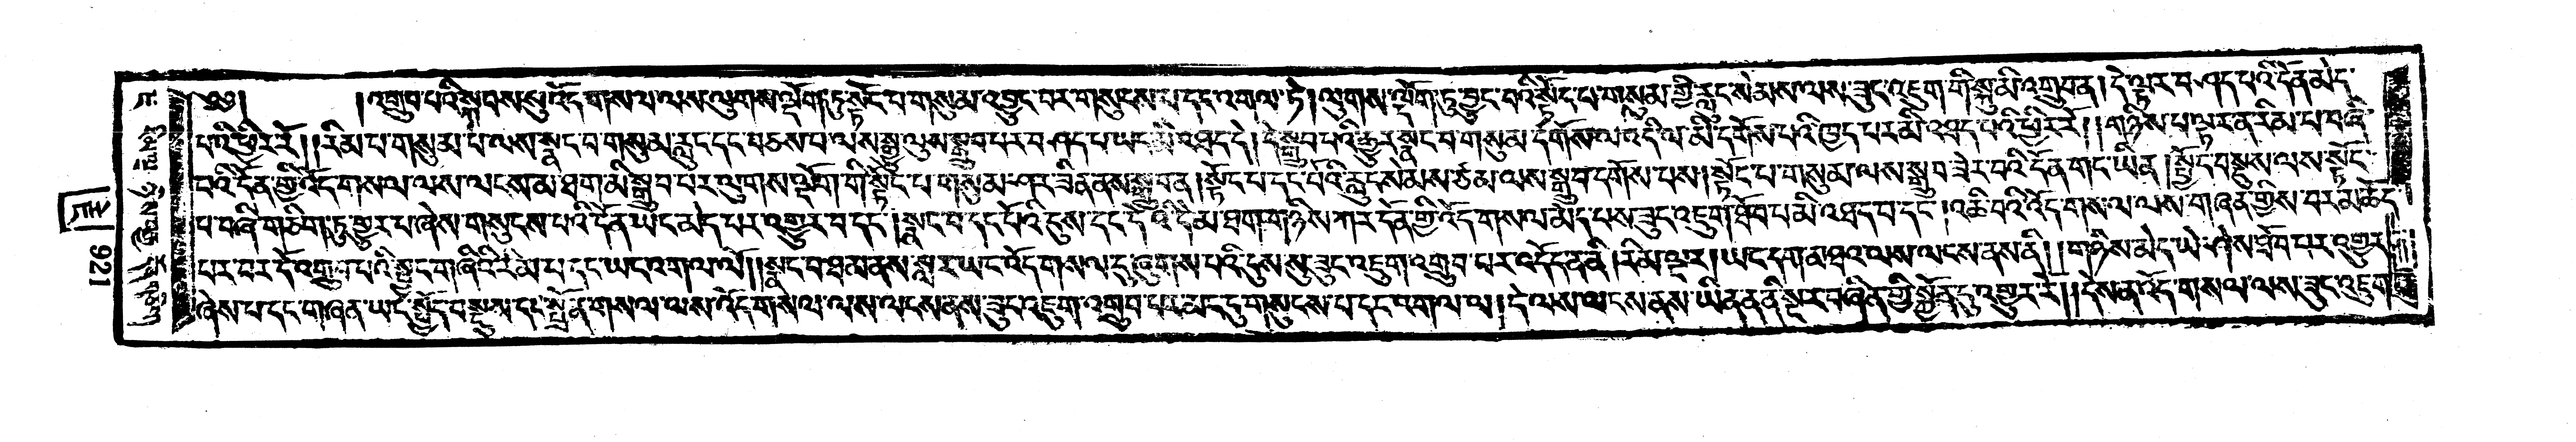༄༅། །འགྲུབ་པའི་སྐབས་སུ་འོད་གསལ་ལས་ལུགས་ལྡོག་ཏུ་སྟོང་པ་གསུམ་འབྱུང་བར་གསུངས་པ་དང་འགལ་ཏེ། ལུགས་ལྡོག་ཏུ་བྱུང་བའི་སྟོང་པ་གསུམ་གྱི་རླུང་སེམས་ལས་ཟུང་འཇུག་གི་སྐུ་མི་འགྲུབ་ན། དེ་ལྟར་བཤད་པའི་དོན་མེད་
པའི་ཕྱིར་རོ། །རིམ་པ་གསུམ་པ་ལས་སྣང་བ་གསུམ་རླུང་དང་བཅས་པ་ལས་སྒྱུ་ལུས་སྒྲུབ་པར་བཤད་པ་ཡང་མི་འཐད་དེ། དེ་སྒྲུབ་པའི་རྒྱུར་སྣང་བ་གསུམ་དགོས་ལ་འདི་ལ་མི་དགོས་པའི་ཁྱད་པར་མི་འཐད་པའི་ཕྱིར་རོ། །གཉིས་པ་ལྟར་ན་རིམ་པ་བཞི་
བའི་དོན་གྱི་འོད་གསལ་ལས་ལངས་མ་ཐག་མི་སྒྲུབ་པར་ལུགས་ལྡོག་གི་སྟོང་པ་གསུམ་ཤར་ཟིན་ནས་སྒྲུབ་ན། སྟོང་པ་དང་པོའི་རླུང་སེམས་ཙམ་ལས་སྒྲུབ་དགོས་པས། སྟོང་པ་གསུམ་ལས་སྒྲུབ་ཟེར་བའི་དོན་གང་ཡིན། སྤྱོད་བསྡུས་ལས་སྟོང་
པ་བཞི་གཅིག་ཏུ་གྱུར་པ་ཞེས་གསུངས་པའི་དོན་ཡང་མེད་པར་འགྱུར་བ་དང་། སྣང་བ་དང་པོའི་དུས་དང་དེའི་དེ་མ་ཐག་གཉིས་ཀར་དོན་གྱི་འོད་གསལ་མེད་པས་ཟུང་འཇུག་ཐོབ་པ་མི་འཐད་པ་དང་། འཆི་བའི་འོད་གསལ་ལས་གཞན་གྱིས་བར་མཆོད་
པར་བར་དོ་འགྲུབ་པའི་སྦྱང་གཞིའི་རིམ་པ་དང་ཡང་འགལ་ལོ། །སྣང་བ་ཐ་མ་ནས་སླར་ཡང་འདི་གསལ་དུ་ཞུགས་པའི་དུས་སུ་ཟུང་འཇུག་འགྲུབ་པར་འདོད་ན་ནི། རིམ་ལྔར། ཡང་དག་མཐའ་ལས་ལངས་ནས་ནི། །གཉིས་མེད་ཡེ་ཤེས་ཐོབ་པར་འགྱུར།
ཞེས་པ་དང་གཞན་ཡང་སྤྱོད་བསྡུས་དང་སྒྲོན་གསལ་ལས་འོད་གསལ་ལས་ལངས་ནས་ཟུང་འཇུག་འགྲུབ་པར་མང་དུ་གསུངས་པ་དང་འགལ་ལ། དེ་ལས་ལངས་ནས་ཡིན་ན་ནི་སྔར་བཞིན་གྱི་སྐྱོན་དུ་འགྱུར་རོ། །དེས་ན་འོད་གསལ་ལས་ཟུང་འཇུག་